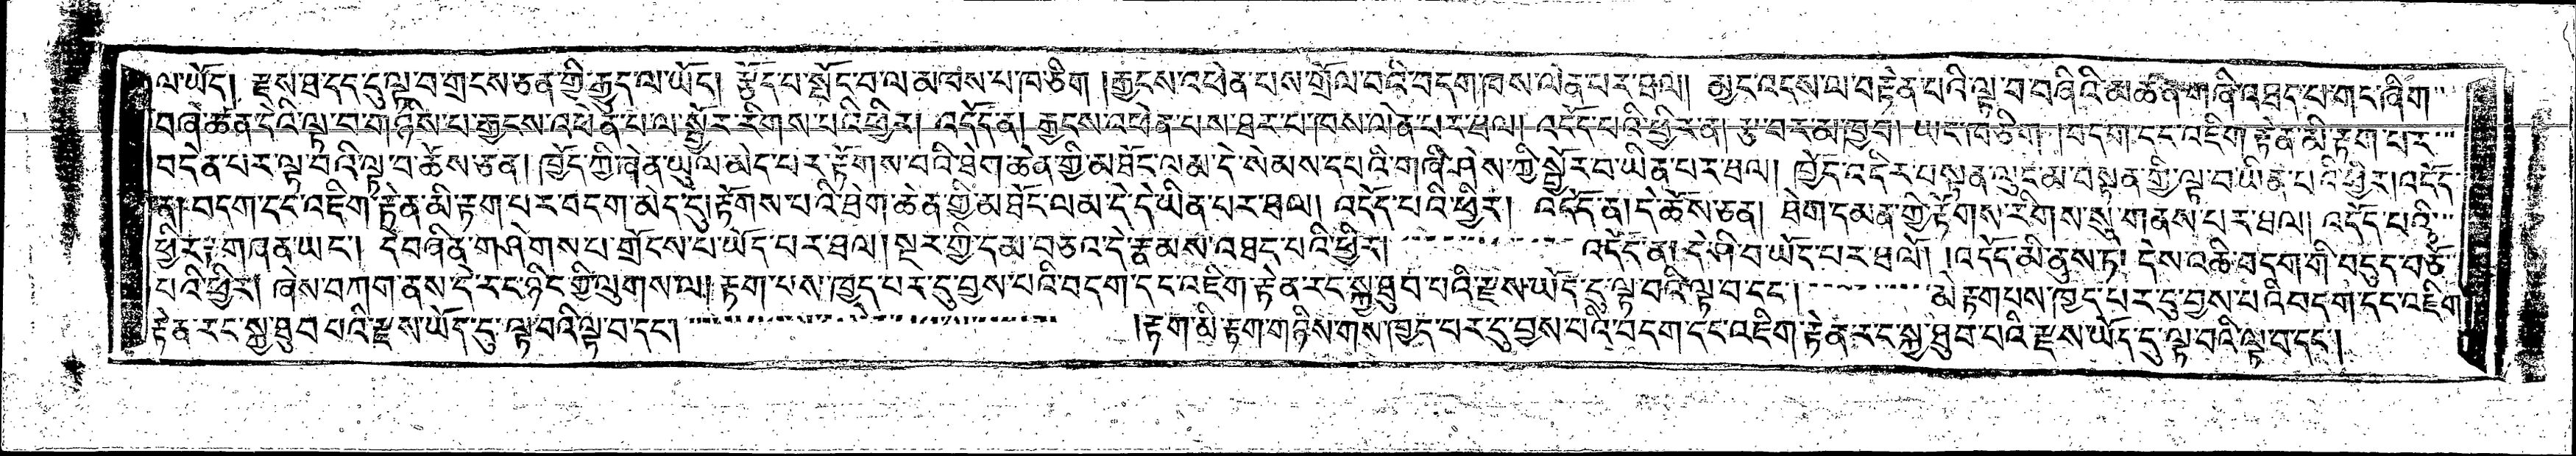ལ་ཡོད། རྫས་ཐ་དད་དུ་ལྟ་བ་གྲངས་ཅན་གྱི་རྒྱུད་ལ་ཡོད། རྩོད་པ་སྤོང་བ་ལ་མཁས་པ་ཁ་ཅིག །རྒྱང་འཕེན་པས་གྲོལ་བའི་བདག་ཁས་ལེན་པར་ཐལ། མྱང་འདས་ལ་བརྟེན་པའི་ལྟ་བ་བཞིའི་མཚན་གཞི་འཐད་པ་གང་ཞིག་
བཞི་ཚན་དེའི་ལྟ་བ་གཉིས་པ་རྒྱང་འཕེན་པ་ལ་སྦྱོར་རིགས་པའི་ཕྱིར། འདོད་ན། རྒྱང་འཕེན་པས་ཐར་པ་ཁས་ལེན་པར་ཐལ། འདོད་པའི་ཕྱིར་ན། རྩ་བར་མ་ཁྱབ། ཡང་ཁ་ཅིག །བདག་དང་འཇིག་རྟེན་མི་རྟག་པར་
བདེན་པར་ལྟ་བའི་ལྟ་བ་ཆོས་ཅན། ཁྱོད་ཀྱི་ཞེན་ཡུལ་མེད་པར་རྟོགས་པའི་ཐེག་ཆེན་གྱི་མཐོང་ལམ་དེ་སེམས་དཔའི་གཞི་ཤེས་ཀྱི་སྦྱོར་བ་ཡིན་པར་ཐལ། ཁྱོད་འདིར་བསྟན་ལུང་མ་བསྟན་གྱི་ལྟ་བ་ཡིན་པའི་ཕྱིར། འདོད་
ན། བདག་དང་འཇིག་རྟེན་མི་རྟག་པར་བདག་མེད་དུ། རྟོགས་པའི་ཐེག་ཆེན་གྱི་མཐོང་ལམ་དེ་དེ་ཡིན་པར་ཐལ། འདོད་པའི་ཕྱིར། འདོད་ན། དེ་ཆོས་ཅན། ཐེག་དམན་གྱི་རྟོགས་རིགས་སུ་གནས་པར་ཐལ། འདོད་པའི་
ཕྱིར༑ གཞན་ཡང་། དེ་བཞིན་གཤེགས་པ་གྲོངས་པ་ཡོད་པར་ཐལ། སྔར་གྱི་དམ་བཅའ་དེ་རྣམས་འཐད་པའི་ཕྱིར། ?་འདོད་ན། དེ་ཤི་བ་ཡོད་པར་ཐལ་ལོ། །འདོད་མི་ནུས་ཏེ། དེས་འཆི་བདག་གི་བདུད་བཅོམ་
པའི་ཕྱིར། ཞེས་བཀག་ནས་དེ་རང་ཉིད་ཀྱི་ལུགས་ལ། རྟག་པས་ཁྱད་པར་དུ་བྱས་པའི་བདག་དང་འཇིག་རྟེན་རང་སྐྱ་ཐུབ་པའི་རྫས་ཡོད་དུ་ལྟ་བའི་ལྟ་བ་དང་། ?་མི་རྟག་པས་ཁྱད་པར་དུ་བྱས་པའི་བདག་དང་འཇིག་
རྟེན་རང་སྐྱ་ཐུབ་པའི་རྫས་ཡོད་དུ་ལྟ་བའི་ལྟ་བ་དང་། ?་།རྟག་མི་རྟག་གཉིས་གས་ཁྱད་པར་དུ་བྱས་པའི་བདག་དང་འཇིག་རྟེན་རང་སྐྱ་ཐུབ་པའི་རྫས་ཡོད་དུ་ལྟ་བའི་ལྟ་བ་དང་།